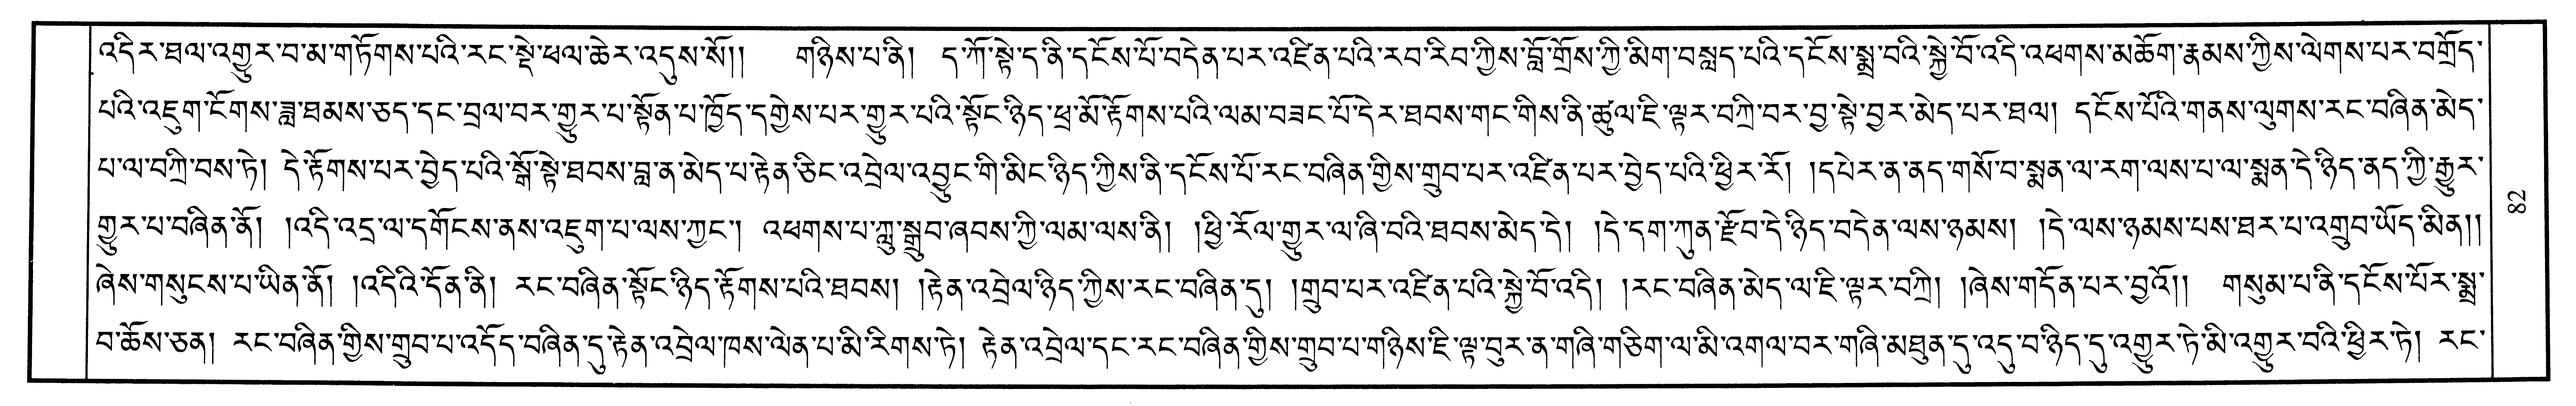འདིར་ཐལ་འགྱུར་བ་མ་གཏོགས་པའི་རང་སྡེ་ཕལ་ཆེར་འདུས་སོ།། གཉིས་པ་ནི། ད་ཀོ་སྟེ་ད་ནི་དངོས་པོ་བདེན་པར་འཛིན་པའི་རབ་རིབ་ཀྱིས་བློ་གྲོས་ཀྱི་མིག་བསླད་པའི་དངོས་སྨྲ་བའི་སྐྱེ་བོ་འདི་འཕགས་མཆོག་རྣམས་ཀྱིས་ལེགས་པར་བགྲོད་
པའི་འཇུག་ངོགས་ཟླ་ཐམས་ཅད་དང་བྲལ་བར་གྱུར་པ་སྟོན་པ་ཁྱོད་དགྱེས་པར་གྱུར་པའི་སྟོང་ཉིད་ཕྲ་མོ་རྟོགས་པའི་ལམ་བཟང་པོ་དེར་ཐབས་གང་གིས་ནི་ཚུལ་ཇི་ལྟར་བཀྲི་བར་བྱ་སྟེ་བྱར་མེད་པར་ཐལ། དངོས་པོའི་གནས་ལུགས་རང་བཞིན་མེད་
པ་ལ་བཀྲི་བས་ཏེ། དེ་རྟོགས་པར་བྱེད་པའི་སྒོ་སྟེ་ཐབས་བླ་ན་མེད་པ་རྟེན་ཅིང་འབྲེལ་འབྱུང་གི་མིང་ཉིད་ཀྱིས་ནི་དངོས་པོ་རང་བཞིན་གྱིས་གྲུབ་པར་འཛིན་པར་བྱེད་པའི་ཕྱིར་རོ། །དཔེར་ན་ནད་གསོ་བ་སྨན་ལ་རག་ལས་པ་ལ་སྨན་དེ་ཉིད་ནད་ཀྱི་རྒྱུར་
གྱུར་པ་བཞིན་ནོ། །འདི་འདྲ་ལ་དགོངས་ནས་འཇུག་པ་ལས་ཀྱང་། འཕགས་པ་ཀླུ་སྒྲུབ་ཞབས་ཀྱི་ལམ་ལས་ནི། །ཕྱི་རོལ་གྱུར་ལ་ཞི་བའི་ཐབས་མེད་དེ། །དེ་དག་ཀུན་རྫོབ་དེ་ཉིད་བདེན་ལས་ཉམས། །དེ་ལས་ཉམས་པས་ཐར་པ་འགྲུབ་ཡོད་མིན།།
ཞེས་གསུངས་པ་ཡིན་ནོ། །འདིའི་དོན་ནི། རང་བཞིན་སྟོང་ཉིད་རྟོགས་པའི་ཐབས། །རྟེན་འབྲེལ་ཉིད་ཀྱིས་རང་བཞིན་དུ། །གྲུབ་པར་འཛིན་པའི་སྐྱེ་བོ་འདི། །རང་བཞིན་མེད་ལ་ཇི་ལྟར་བཀྲི། །ཞེས་གདོན་པར་བྱའོ།། གསུམ་པ་ནི་དངོས་པོར་སྨྲ་
པ་ཆོས་ཅན། རང་བཞིན་གྱིས་གྲུབ་པ་འདོད་བཞིན་དུ་རྟེན་འབྲེལ་ཁས་ལེན་པ་མི་རིགས་ཏེ། རྟེན་འབྲེལ་དང་རང་བཞིན་གྱིས་གྲུབ་པ་གཉིས་ཇི་ལྟ་བུར་ན་གཞི་གཅིག་ལ་མི་འགལ་བར་གཞི་མཐུན་དུ་འདུ་བ་ཉིད་དུ་འགྱུར་ཏེ་མི་འགྱུར་བའི་ཕྱིར་ཏེ། རང་